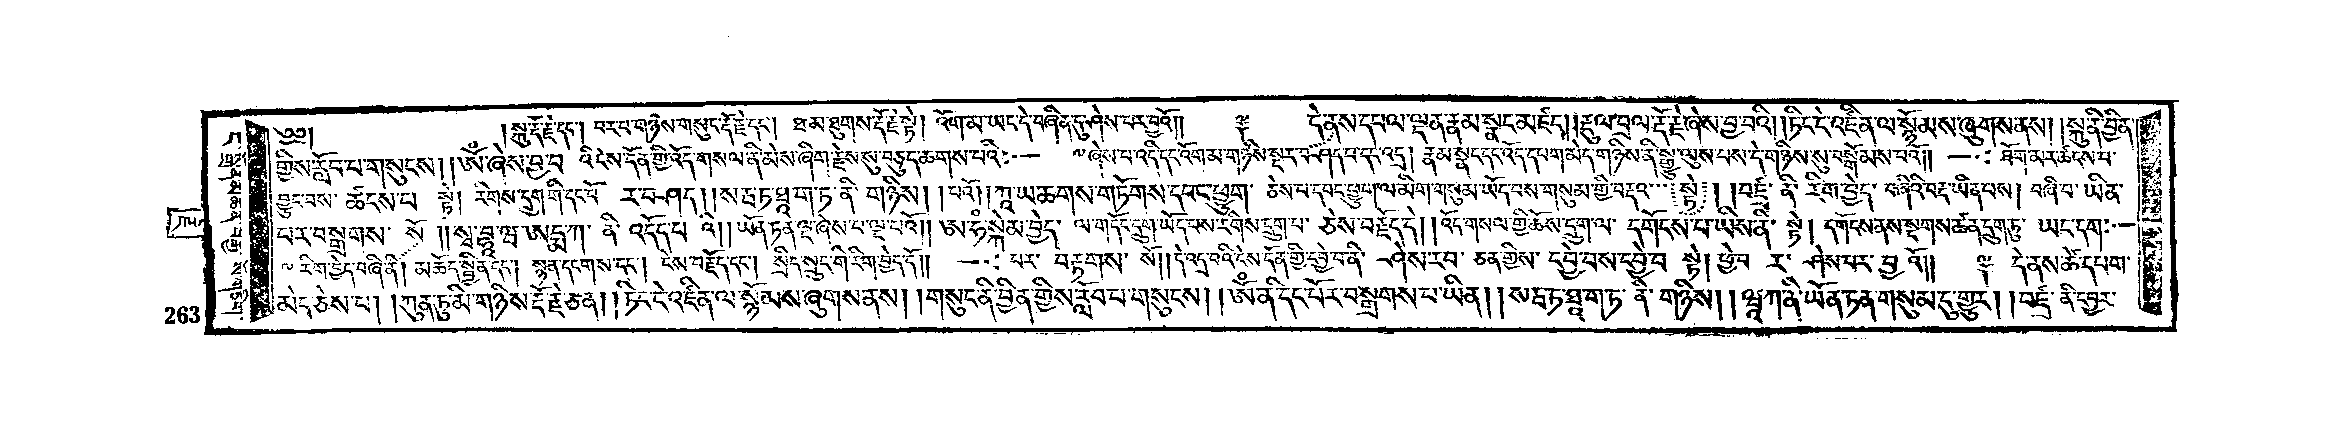༄༅། ། སྐུ་རྡོ་རྗེ་དང་། བར་པ་གཉིས་གསུང་རྡོ་རྗེ་དང་། ཐ་མ་ཐུགས་རྡོ་རྗེ་སྟེ། འོག་མ་ཡང་དེ་བཞིན་དུ་ཤེས་པར་བྱའོ།།  ༈ དེ་ནས་དཔལ་ལྡན་རྣམ་སྣང་མཛད། །རྡུལ་བྲལ་རྡོ་རྗེ་ཞེས་བྱ་བའི། །ཏིང་ངེ་འཛིན་ལ་སྙོམས་ཞུགས་ནས། །སྐུ་ནི་བྱིན་
གྱིས་རློབ་པ་གསུངས། །ཨོཾ་ཞེས་བྱ་བའི་ངེས་དོན་གྱི་འོད་གསལ་ནི་མེས་ཞིག་རྗེས་སུ་བཅུད་ཆགས་པའིཿ་༧ཞེས་པ་འདི་དང་འོག་མ་གཉིས་སྔར་བཤད་པ་དང་འདྲ། རྣམ་སྣང་དང་འོད་དཔག་མེད་གཉིས་ནི་སྒྱུ་ལུས་པས་དེ་གཉིས་སུ་བསྒོམས་པའོ།། .H ཐོག་མར་ཚངས་པ་
བྱུང་བས་ཚངས་པ་སྟེ། རིགས་དྲུག་གི་དང་པོར་བཤད། །སརྦ་ཏ་ཐཱ་ག་ཏ་ནི་གཉིས། ། པའོ། །ཀཱ་ཡ་ཆགས་གཏོགས་དབང་ཕྱུག་ཅེས་པ་དབང་ཕྱུག་ལ་མིག་གསུམ་ཡོད་པས་གསུམ་གྱི་བརྡའ་སྟེ། །བཛྲ་ནི་རིག་བྱེད་བཞིའི་བརྡ་ཡིན་པས། བཞི་པ་ཡིན་
པར་བསྒྲགས་སོ། །སྭ་བྷཱ་ཝ་ཨདམ་ཀ་ནི་འདོད་པའི། ། ཡོན་ཏན་ལྔ་ཞེས་པ་ལྔ་པའོ། །ཨ་ཧཾ་སྐེམ་བྱེད་ལ་གདོང་དྲུག་ཡོད་པས་རིགས་དྲུག་པ་ཅེས་བརྗོད་དེ། ། འོད་གསལ་གྱི་ཆོས་དྲུག་ལ་དགོངས་པ་ཡིས་ནི་སྟེ། དགོངས་ནས་སྔགས་ཚན་དྲུག་ཏུ་ཡང་དག་H.
༧རིག་བྱེད་བཞི་ནི། མཆོད་སྦྱིན་དང་། སྙན་དངགས་དང་། ངེས་བརྗོད་དང་། སྲིད་སྲུང་གི་རིག་བྱེད་དོ།། .H པར་བརྟགས་སོ། །དེ་འདྲ་བའི་ངེས་དོན་གྱི་དབྱེ་བ་ནི་ཤེས་རབ་ཅན་གྱིས་དབྱེ་བས་དབྱེ་བ་སྟེ། ཕྱེ་བར་ཤེས་པར་བྱའོ།། ༈ དེ་ནས་ཚེ་དཔག་
མེད་ཅེས་པ། །ཀུན་ཏུ་མི་གཉིས་རྡོ་རྗེ་ཅན། །ཏིང་ངེ་འཛིན་ལ་སྙོམས་ཞུགས་ནས། །གསུང་ནི་བྱིན་གྱིས་རློབ་པ་གསུངས། །ཨོཾ་ནི་དང་པོར་བསྒྲགས་པ་ཡིན། །སརྦ་ཏ་ཐཱ་ག་ཏ་ནི་གཉིས། །ཝཱ་ཀ་ནི་ཡོན་ཏན་གསུམ་དུ་གྱུར། །བཛྲ་ནི་དབྱར་